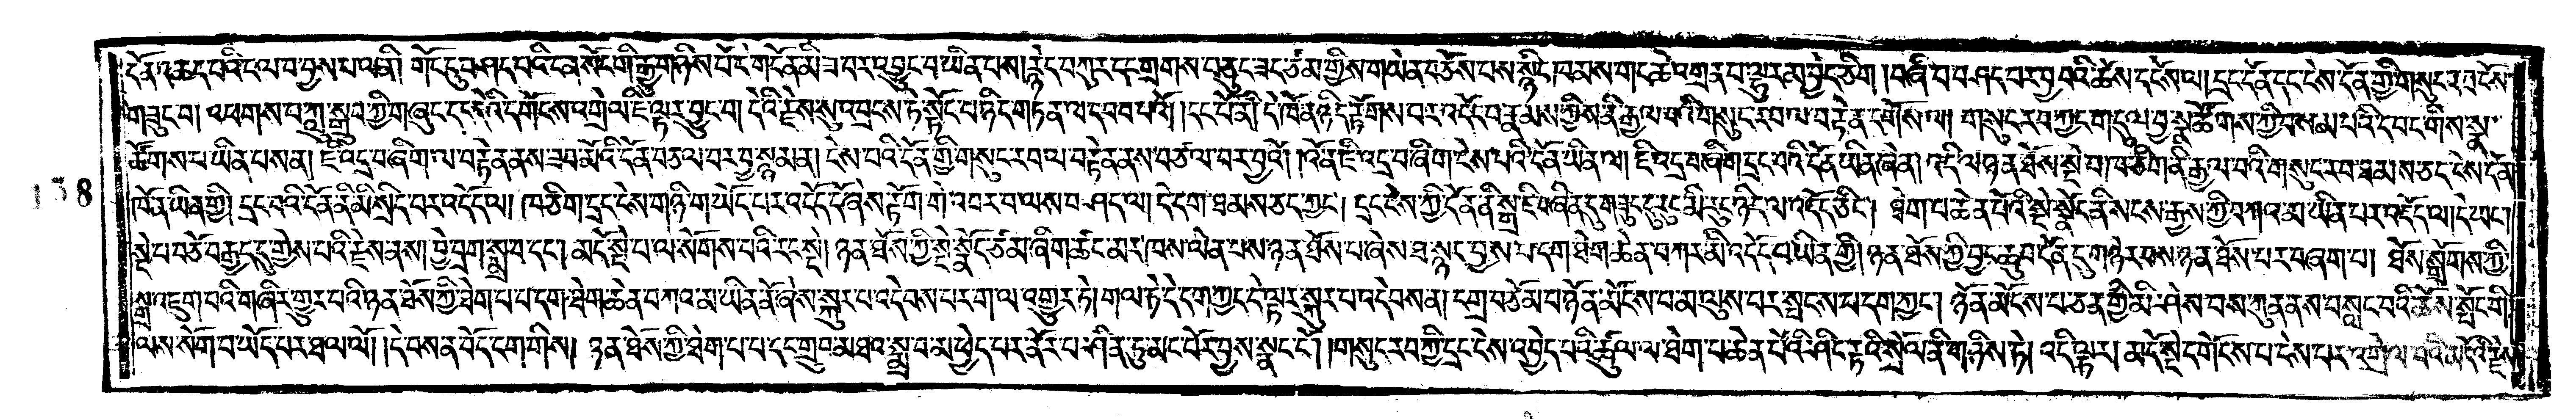དོན་འཆད་པའི་ངལ་བ་བྱས་པ་ལ་ནི། གོང་དུ་བཤད་པའི་ངན་སོང་གི་རྒྱུ་གཉིས་པོ་དེ་གདོན་མི་ཟ་བར་འབྱུང་བ་ཡིན་པས། རྙད་བཀུར་དང་གྲགས་བཅུང་ཟད་ཙམ་གྱིས་གཡེན་བཅོས་པས་སྙིང་ཁམས་གང་ཆི་འགྲན་པ་ལྷུར་མ་བྱེད་ཅིག །བཞི་བ་བཤད་པར་བྱ་བའི་ཆོས་དངོས་ལ། དྲང་དོན་དང་ངེས་དོན་གྱི་གསུང་རབ་ངོས་
གཟུང་བ། འཕགས་པ་ཀླུ་སྒྲུབ་ཀྱི་གཞུང་དང་དེའི་དགོངས་འགྲེལ་ཇི་ལྟར་བྱུང་བ། དེའི་རྗེས་སུ་འབྲངས་ཏེ་སྟོང་པ་ཉིད་གཏན་ལ་དབབ་པའོ། །དང་པོ་ནི། དེ་ཁོ་ན་ཉིད་རྟོགས་པར་འདོད་བ་རྣམས་ཀྱིས་ནི་རྒྱལ་བའི་གསུང་རབ་ལ་བརྟེན་དགོས་ལ། གསུང་རབ་ཀྱང་གདུལ་བྱ་སྣ་ཚོགས་ཀྱི་བསམ་པའི་དབང་གིས་སྣ་
ཚོགས་པ་ཡིན་པས་ན། ཇི་འདྲ་བ་ཞིག་ལ་བརྟེན་ནས་ཟབ་མོའི་དོན་བཅལ་བར་བྱ་སྙམ་ན། ངེས་པའི་དོན་གྱི་གསུང་རབ་ལ་བརྟེན་ནས་བཅལ་བར་བྱའོ། །འོ་ན་ཇི་འདྲ་བ་ཞིག་ངེས་པའི་དོན་ཡིན་ལ། ཇི་འདྲ་བ་ཞིག་དྲང་བའི་དོན་ཡིན་ཞེ་ན། འདི་ལ་ཉན་ཐོས་སྡེ་བ་ཁ་ཅིག་ནི་རྒྱལ་བའི་གསུང་རབ་ཐམས་ཅད་ངེས་དོན་
ཁོ་ན་ཡིན་གྱི། དྲང་བའི་དོན་ནི་མི་སྲིད་བར་འདོད་ལ། ཁ་ཅིག་དྲང་ངེས་གཉི་ག་ཡོད་པར་འདོད་དོ་ཞེས་རྟོག་གེ་འབར་བ་ལས་བཤད་ལ། དེ་དག་ཐམས་ཅད་ཀྱང་། དྲང་ངེས་ཀྱི་དོན་ནི་སྒྲ་ཇི་བཞིན་དུ་གཟུང་དུ་རུང་མི་རུང་ཉིད་ལ་འདོད་ཅིང་། ཐེག་པ་ཆེན་པོའི་སྡེ་སྣོད་ནི་སངས་རྒྱས་ཀྱི་བཀའ་མ་ཡིན་པར་འདོད་ལ། དེ་ཡང་།
སྡེ་བ་བཅོ་བརྒྱད་དུ་གྱེས་པའི་རྗེས་ནས། བྱེ་བྲག་སྨྲ་བ་དང་། མདོ་སྡེ་པ་ལ་སོགས་པའི་རང་སྡེ། ཉན་ཐོས་ཀྱི་སྡེ་སྣོད་ཙམ་ཞིག་ཚད་མར་ཁས་ལེན་པས་ཉན་ཐོས་པ་ཞེས་ཐ་སྙང་བྱས་པ་དག་ཐེག་ཆེན་བཀར་མི་འདོད་པ་ཡིན་གྱི། ཉན་ཐོས་ཀྱི་བྱང་ཆུབ་དོན་དུ་གཉེར་བས་ཉན་ཐོས་པར་བཞག་པ། ཐོས་སྒྲོགས་ཀྱི་
སྒྲ་འཇུག་པའི་གཞིར་གྱུར་པའི་ཉན་ཐོས་ཀྱི་ཐེག་པ་པ་དག་ཐེག་ཆེན་བཀའ་མ་ཡིན་ནོ་ཞེས་སྐུར་པ་འདེབས་པར་ག་ལ་འགྱུར་ཏེ། གལ་ཏེ་དེ་དག་ཀྱང་དེ་ལྟར་སྐུར་པ་འདེབས་ན། དགྲ་བཅོམ་པ་ཉོན་མོངས་བ་མ་ལུས་པར་སྤངས་པ་དག་ཀྱང་། ཉོན་མོངས་པ་ཅན་གྱི་མི་ཤེས་བས་ཀུན་ནས་བསླང་བའི་ཆོས་སྤོང་གི་
ལས་སོག་པ་ཡོད་པར་ཐལ་ལོ། །དེ་བས་ན་བོད་དག་གིས། ཉན་ཐོས་ཀྱི་ཐེག་པ་པ་དང་གྲུབ་མཐའ་སྨྲ་བ་མ་ཕྱེད་པར་ནོར་པ་ཤིན་ཏུ་མང་པོར་བྱས་སྣང་ངོ། །གསུང་རབ་ཀྱི་དྲང་ངེས་འབྱེད་པའི་ཚུལ་ལ་ཐེག་པ་ཆེན་པོའི་ཤིང་རྟའི་སྲོལ་ནི་གཉིས་ཏེ། འདི་ལྟར། མདོ་སྡེ་དགོངས་པ་ངེས་པར་འགྲེལ་བའི་མདོའི་རྗེས་